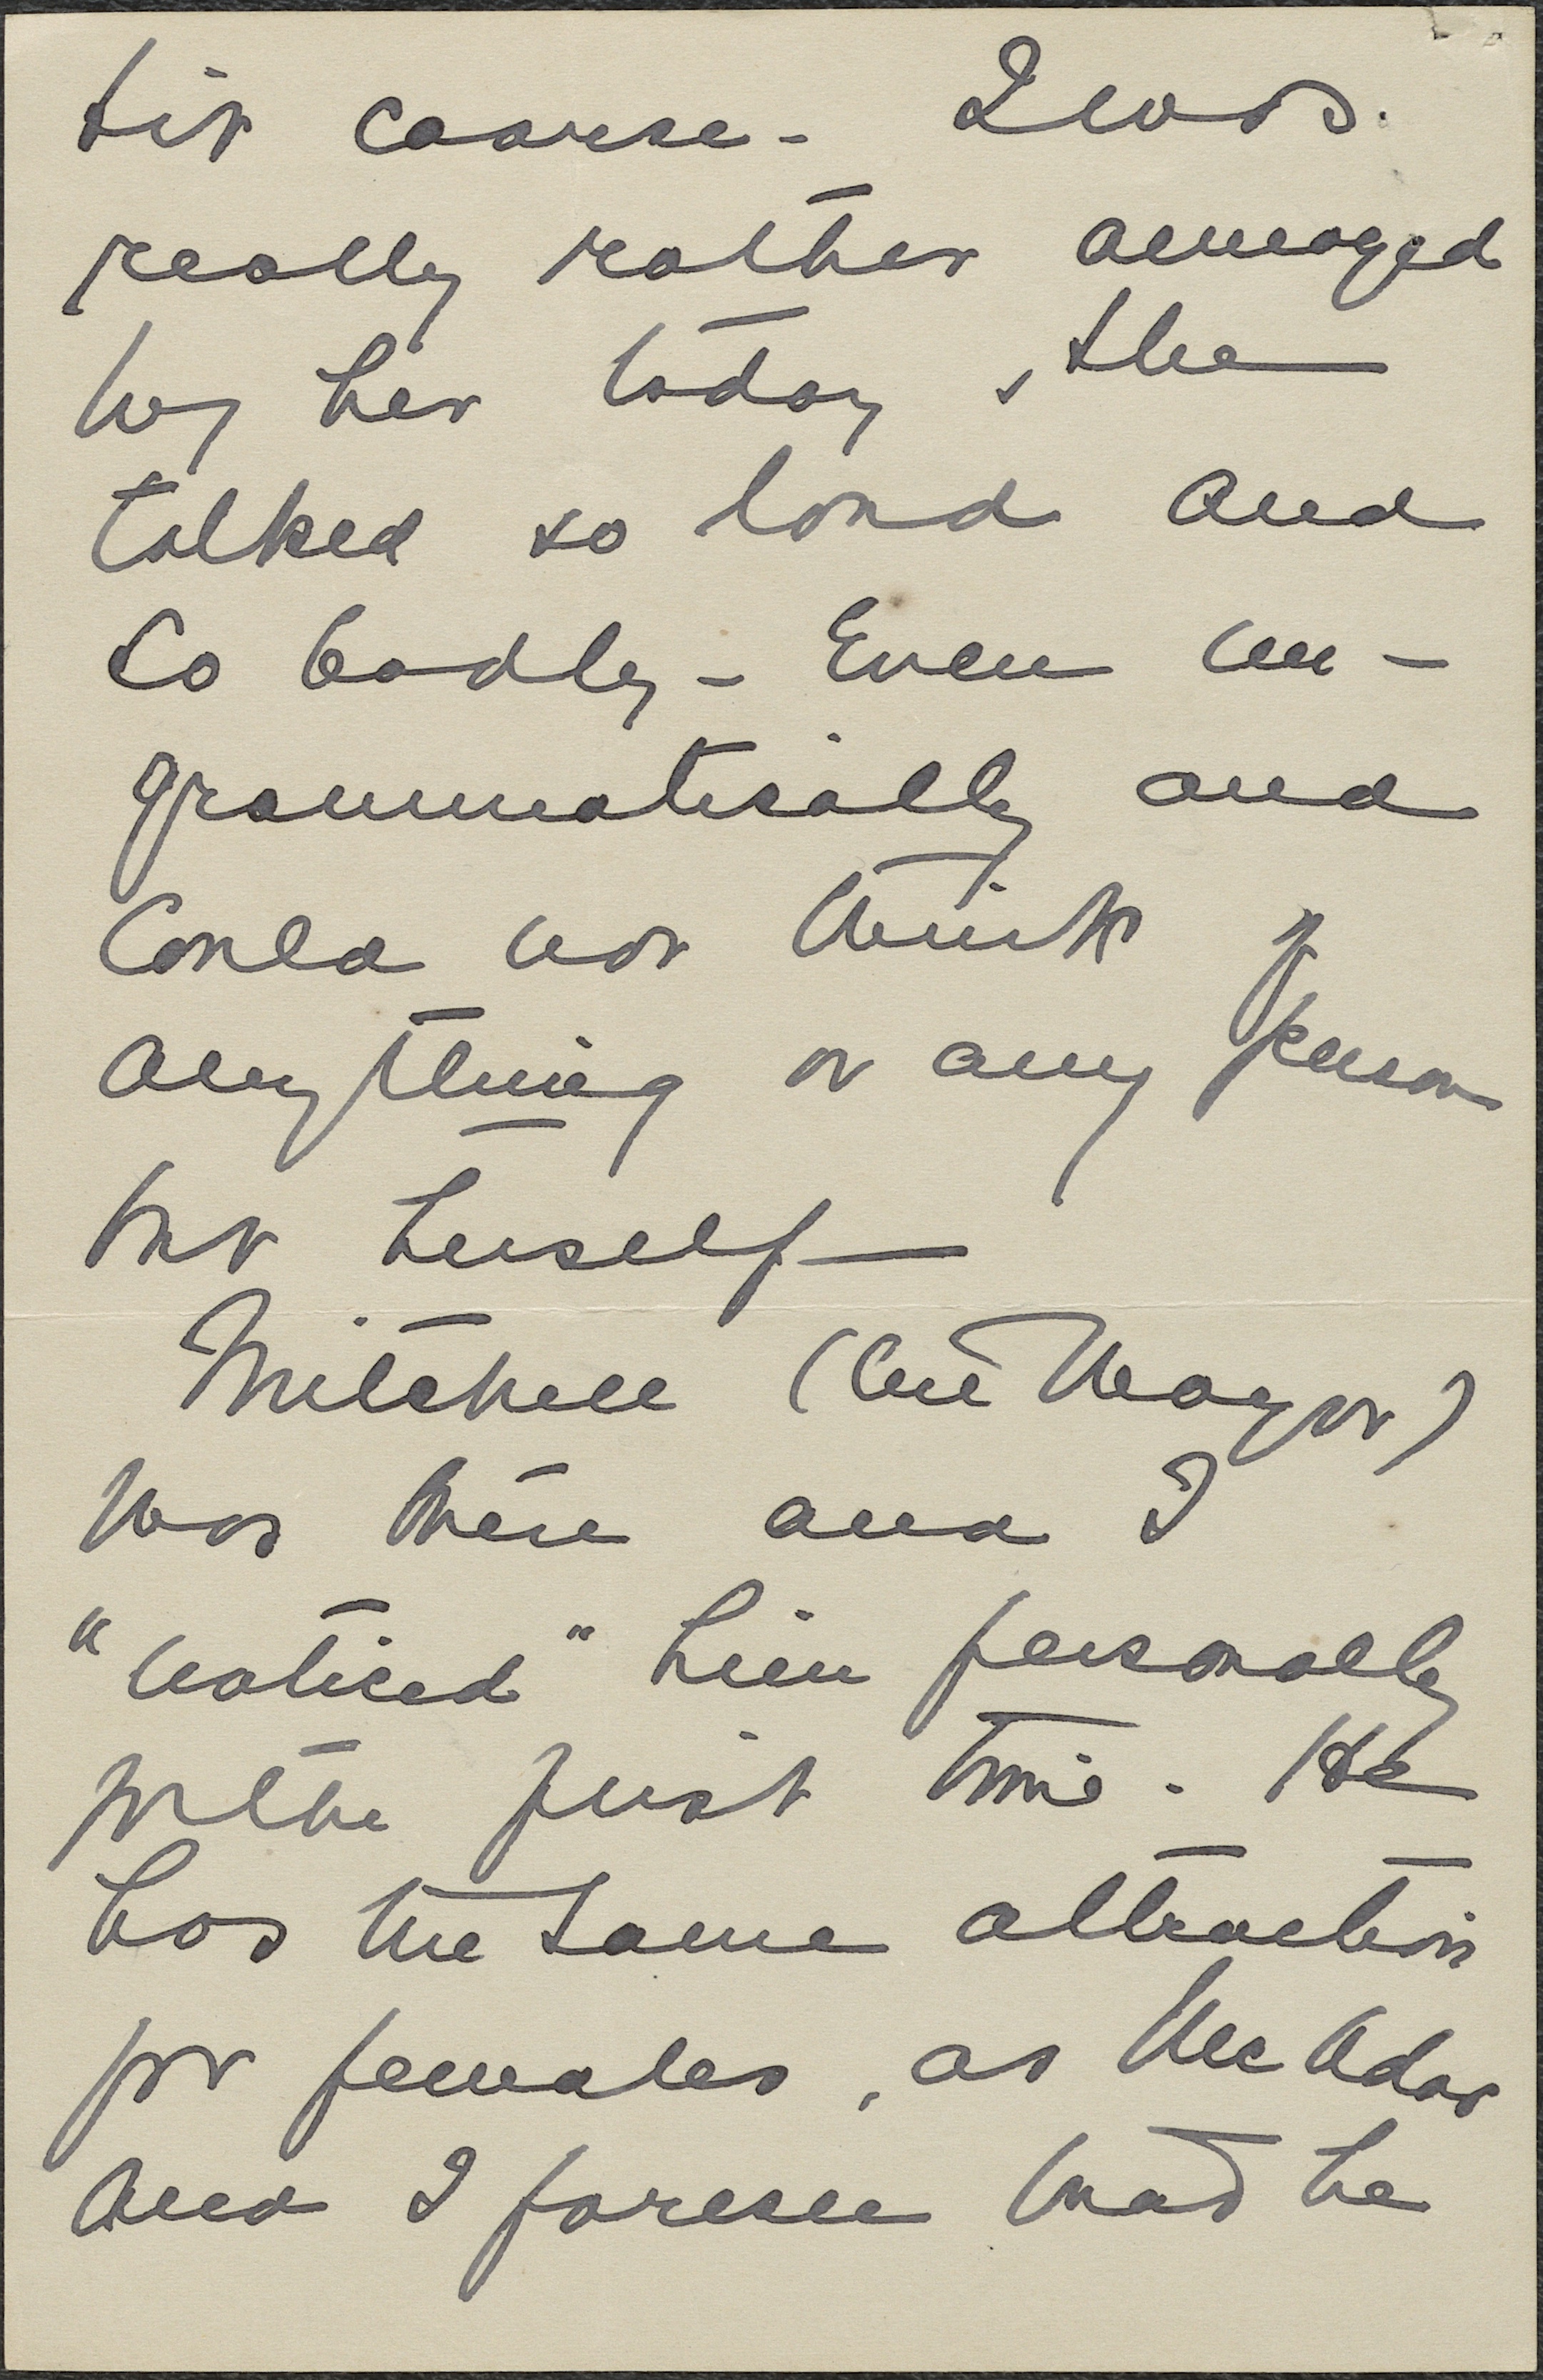bit coarse – I was really rather annoyed by her today, she talked so loud and so badly – Even ungrammatically and could not think of anything or any person but herself – Mitchell [sic] (the Mayor) was there and I “noticed” him personally for the first time. He has the same attraction for females, as McAdoo and I foresee that he